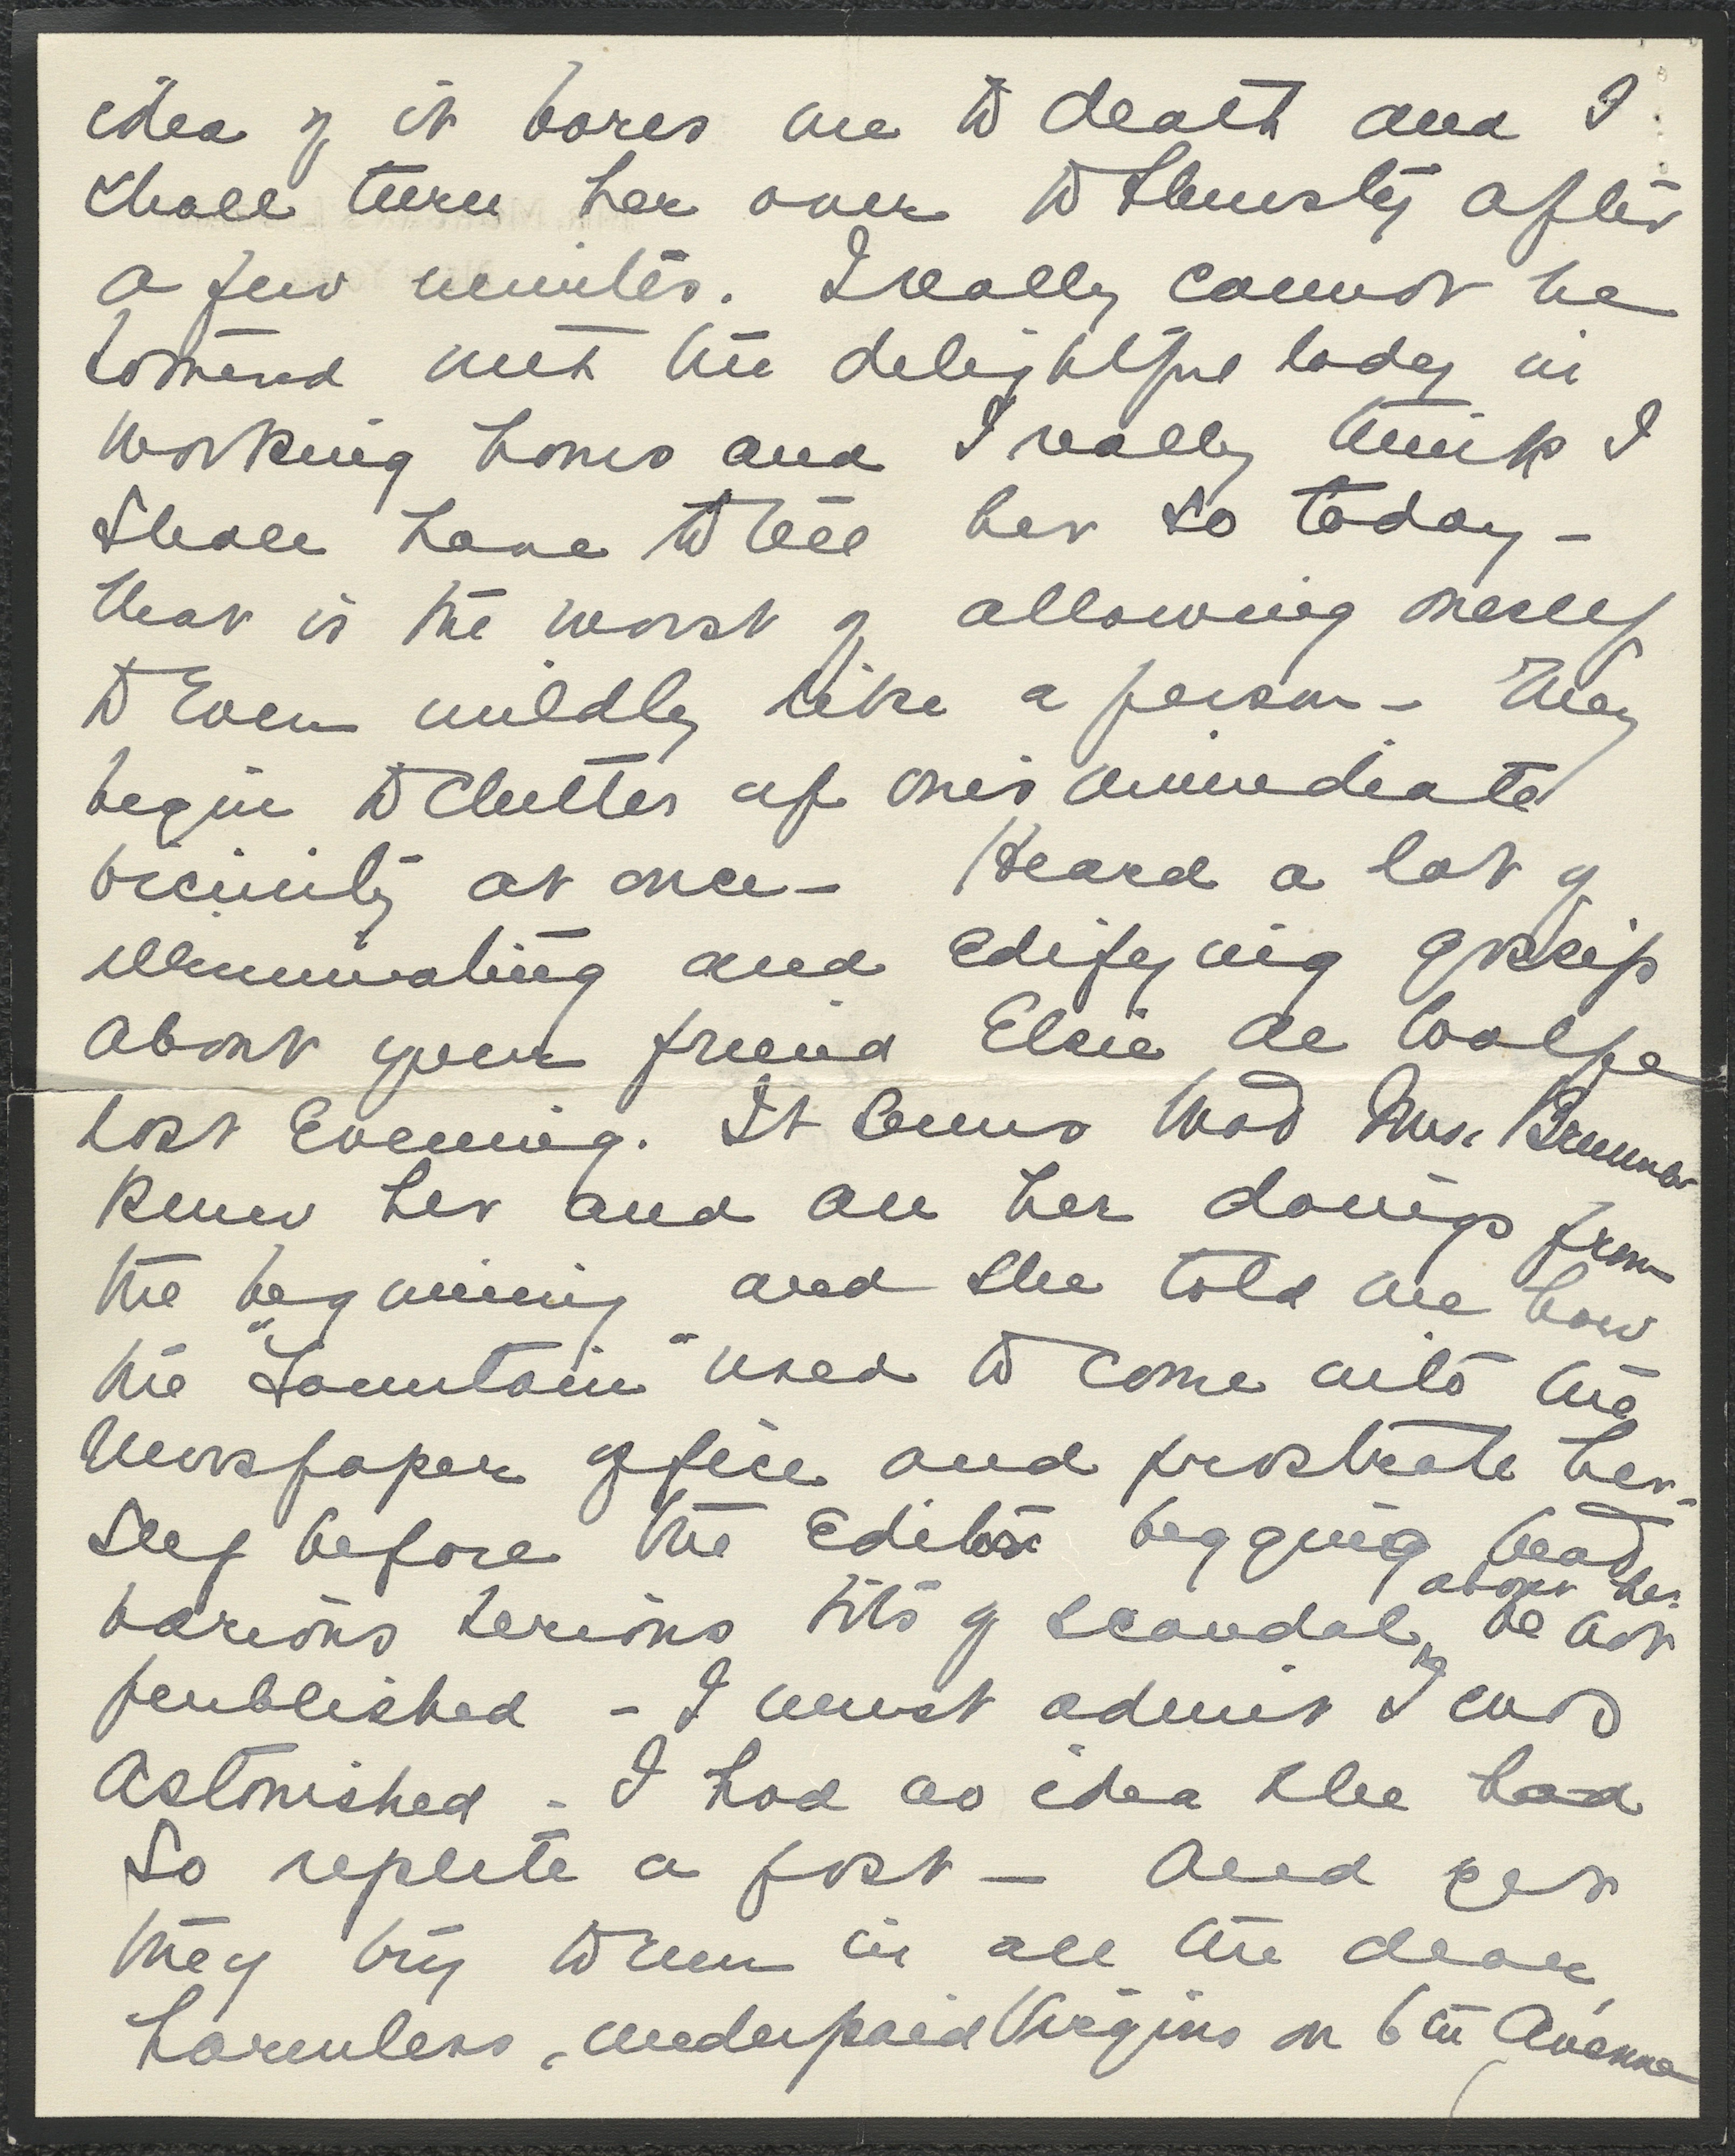idea of it bores me to death and I shall turn her over to Thursty after a few minutes. I really cannot be bothered with the delightful lady in working hours and I really think I shall have to tell her so today – that is the worst of allowing oneself to even mildly like a person – they begin to clutter up one’s immediate vicinity at once – Heard a lot of illuminating and edifying gossip about your friend Elsie de Wolfe last evening. It seems that Miss Brunner knew her and all her doings from the beginning and she told me how the “Fountain” used to come into the Newspaper office and prostrate herself before the editor begging that various serious fits of scandal [^about her^] be not published – I must admit I was astonished – I had no idea she had so replete a past – And yet they try to run in all the dear, harmless, underpaid virgins on 6th Avenue